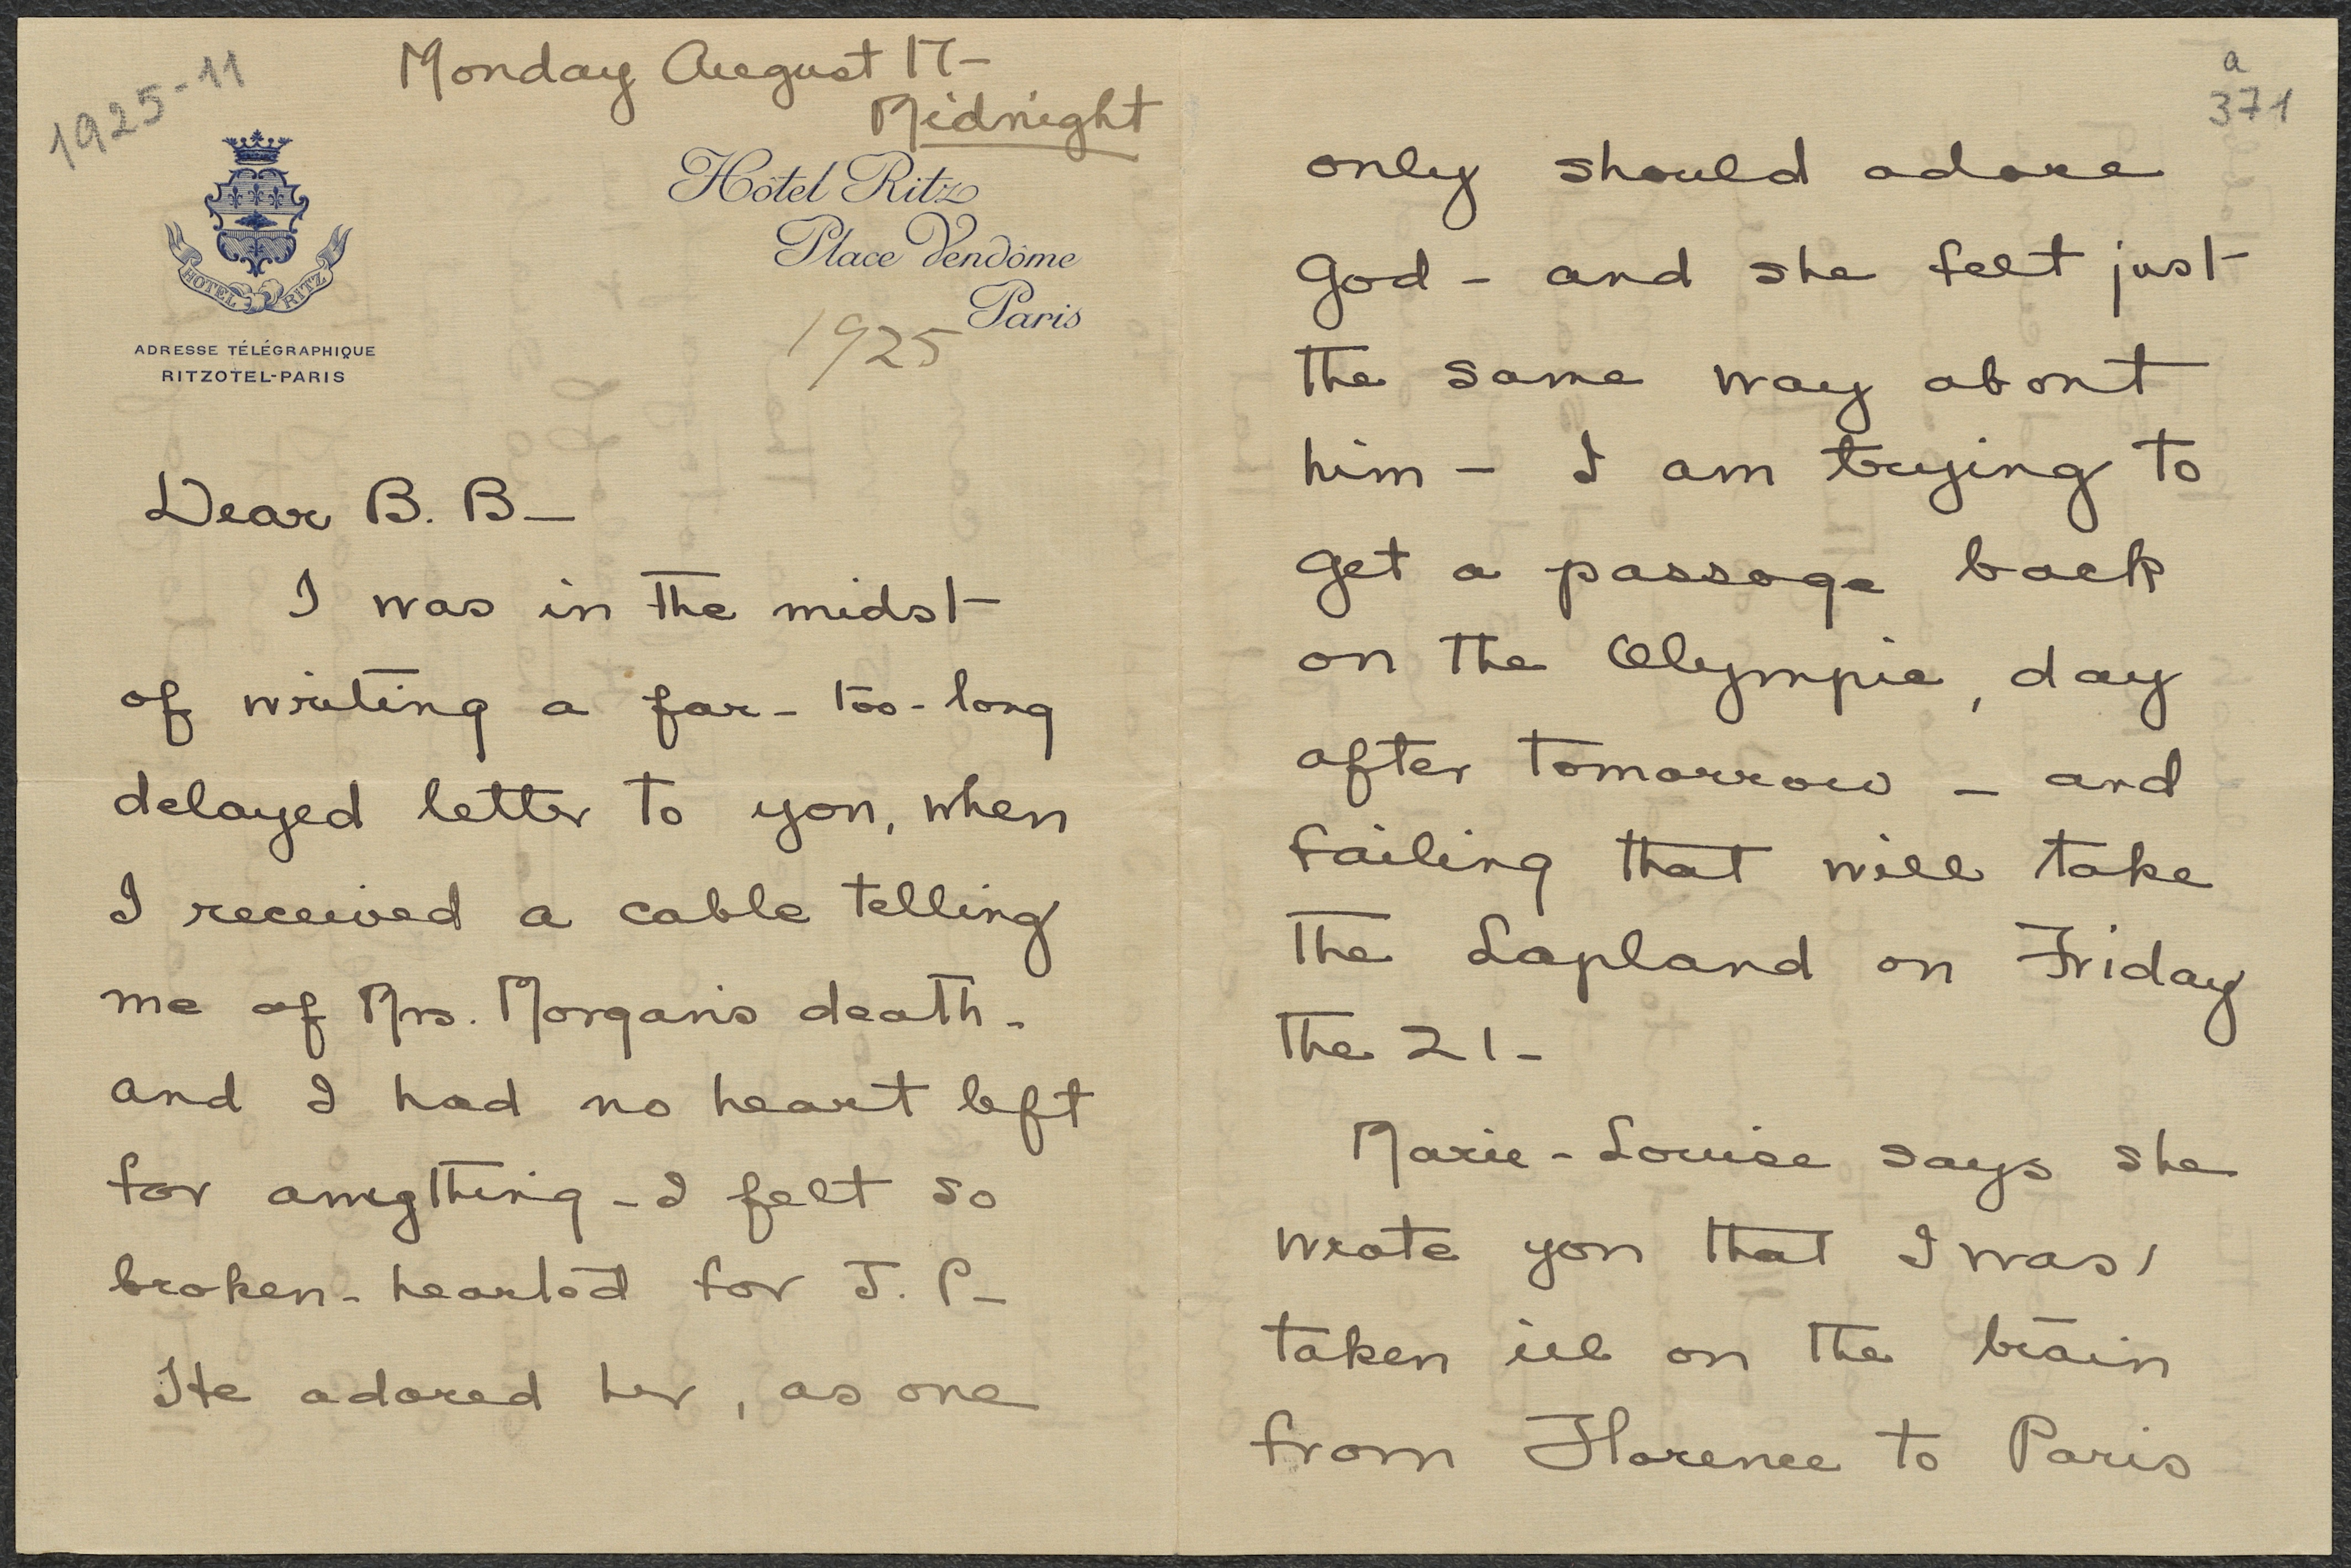Monday August 17 –
Midnight
Dear B.B –
I was in the midst of writing a far-too-long delayed letter to you, when I received a call telling me of Mrs. Morgan’s death, and I had no heart left for anything – I felt so broken-hearted for J.P – He adored her, as one
only should adore God – and she felt just the same way about him – I am trying to get a passage back to the Olympic, day after tomorrow – and failing that will take the Lapland on Friday the 21 –
Marie-Louise says she wrote you that I was taken ill on the train from Florence to Paris